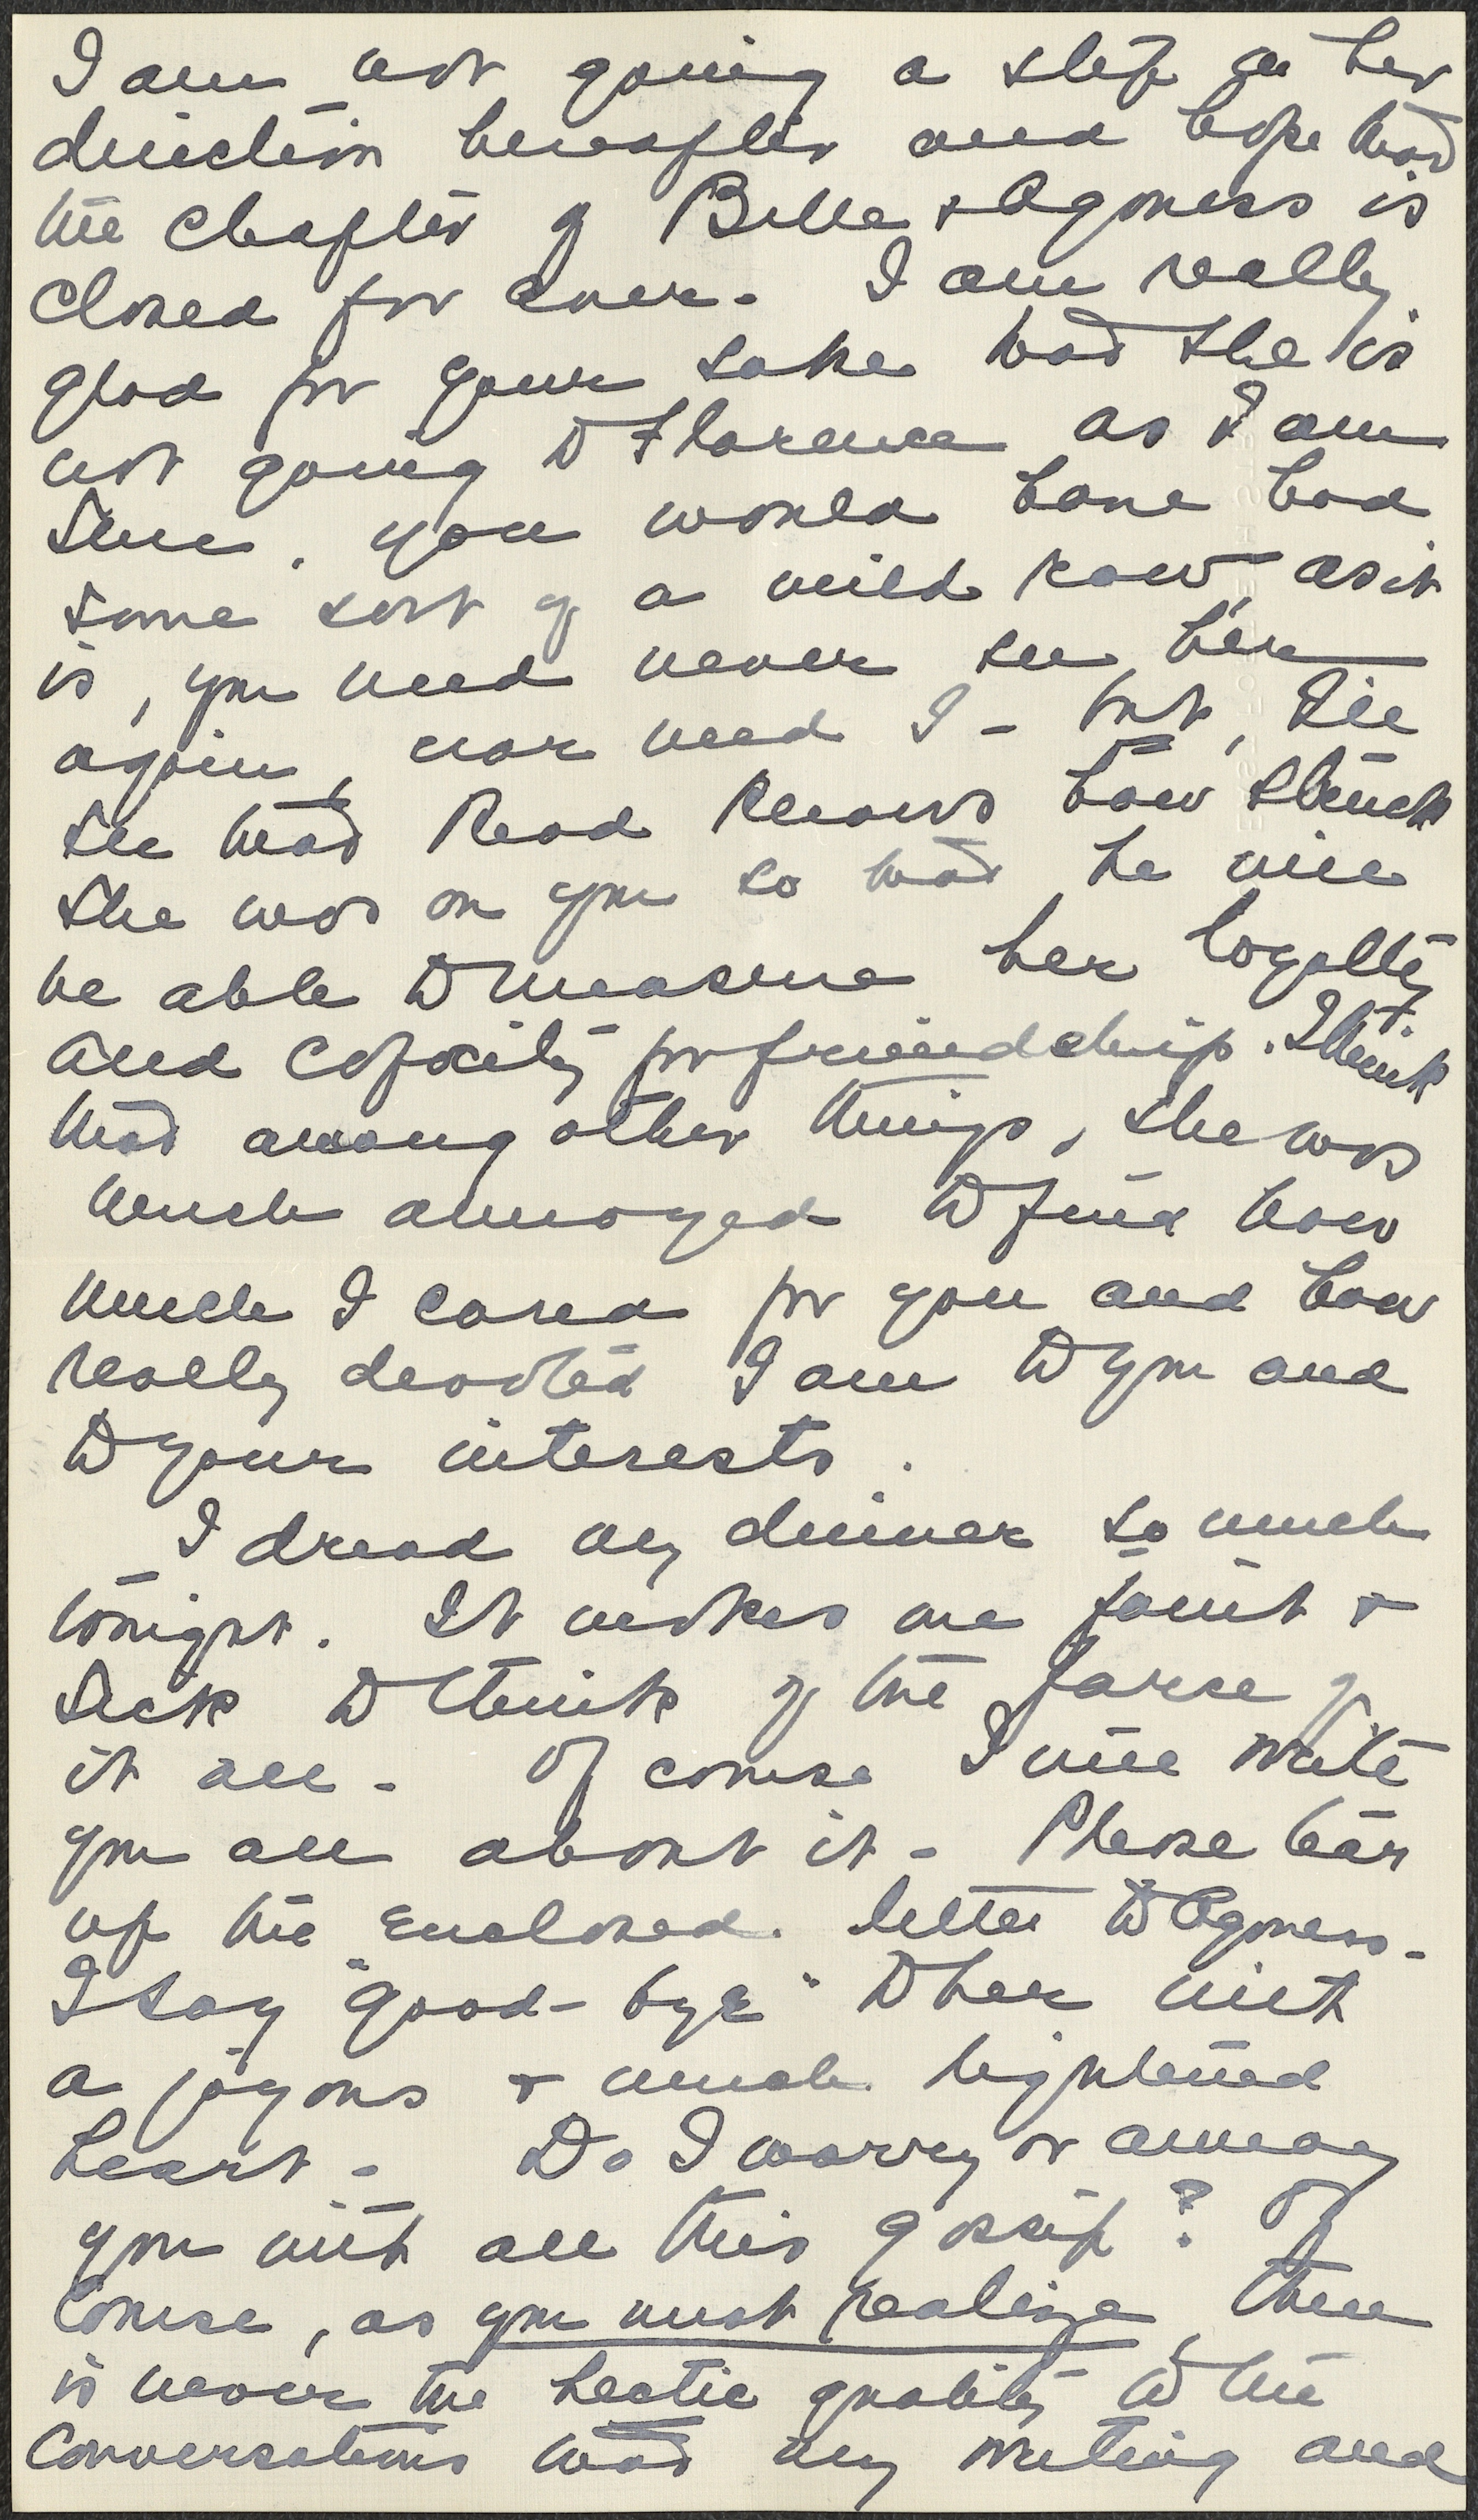I am not going a step in her direction hereafter and hope that the chapter of Belle & Agoness is closed forever. I am really glad for your sake that she is not going to Florence, as I am sure, you would have had some sort of wild row, as it is, you need never see her again nor need I – [double underlined: but], I'll see that Read knows how struck she was on you so that he will be able to measure her loyalty and capacity for friendship. I think that among other things, she was much annoyed to find how much I cared for you and how really devoted I am to you and to your interests.
I dread my dinner so much tonight. It makes me faint & sick to think of the farce if it all – of course I will write you all about it – Please tear up the enclosed letter to Agoness – I say "good-bye" to her with a joyous & much lightened heart – Do I worry or annoy you with all this gossip? of course, as you must realize, there is never the hectic quality to the conversations that my writing and